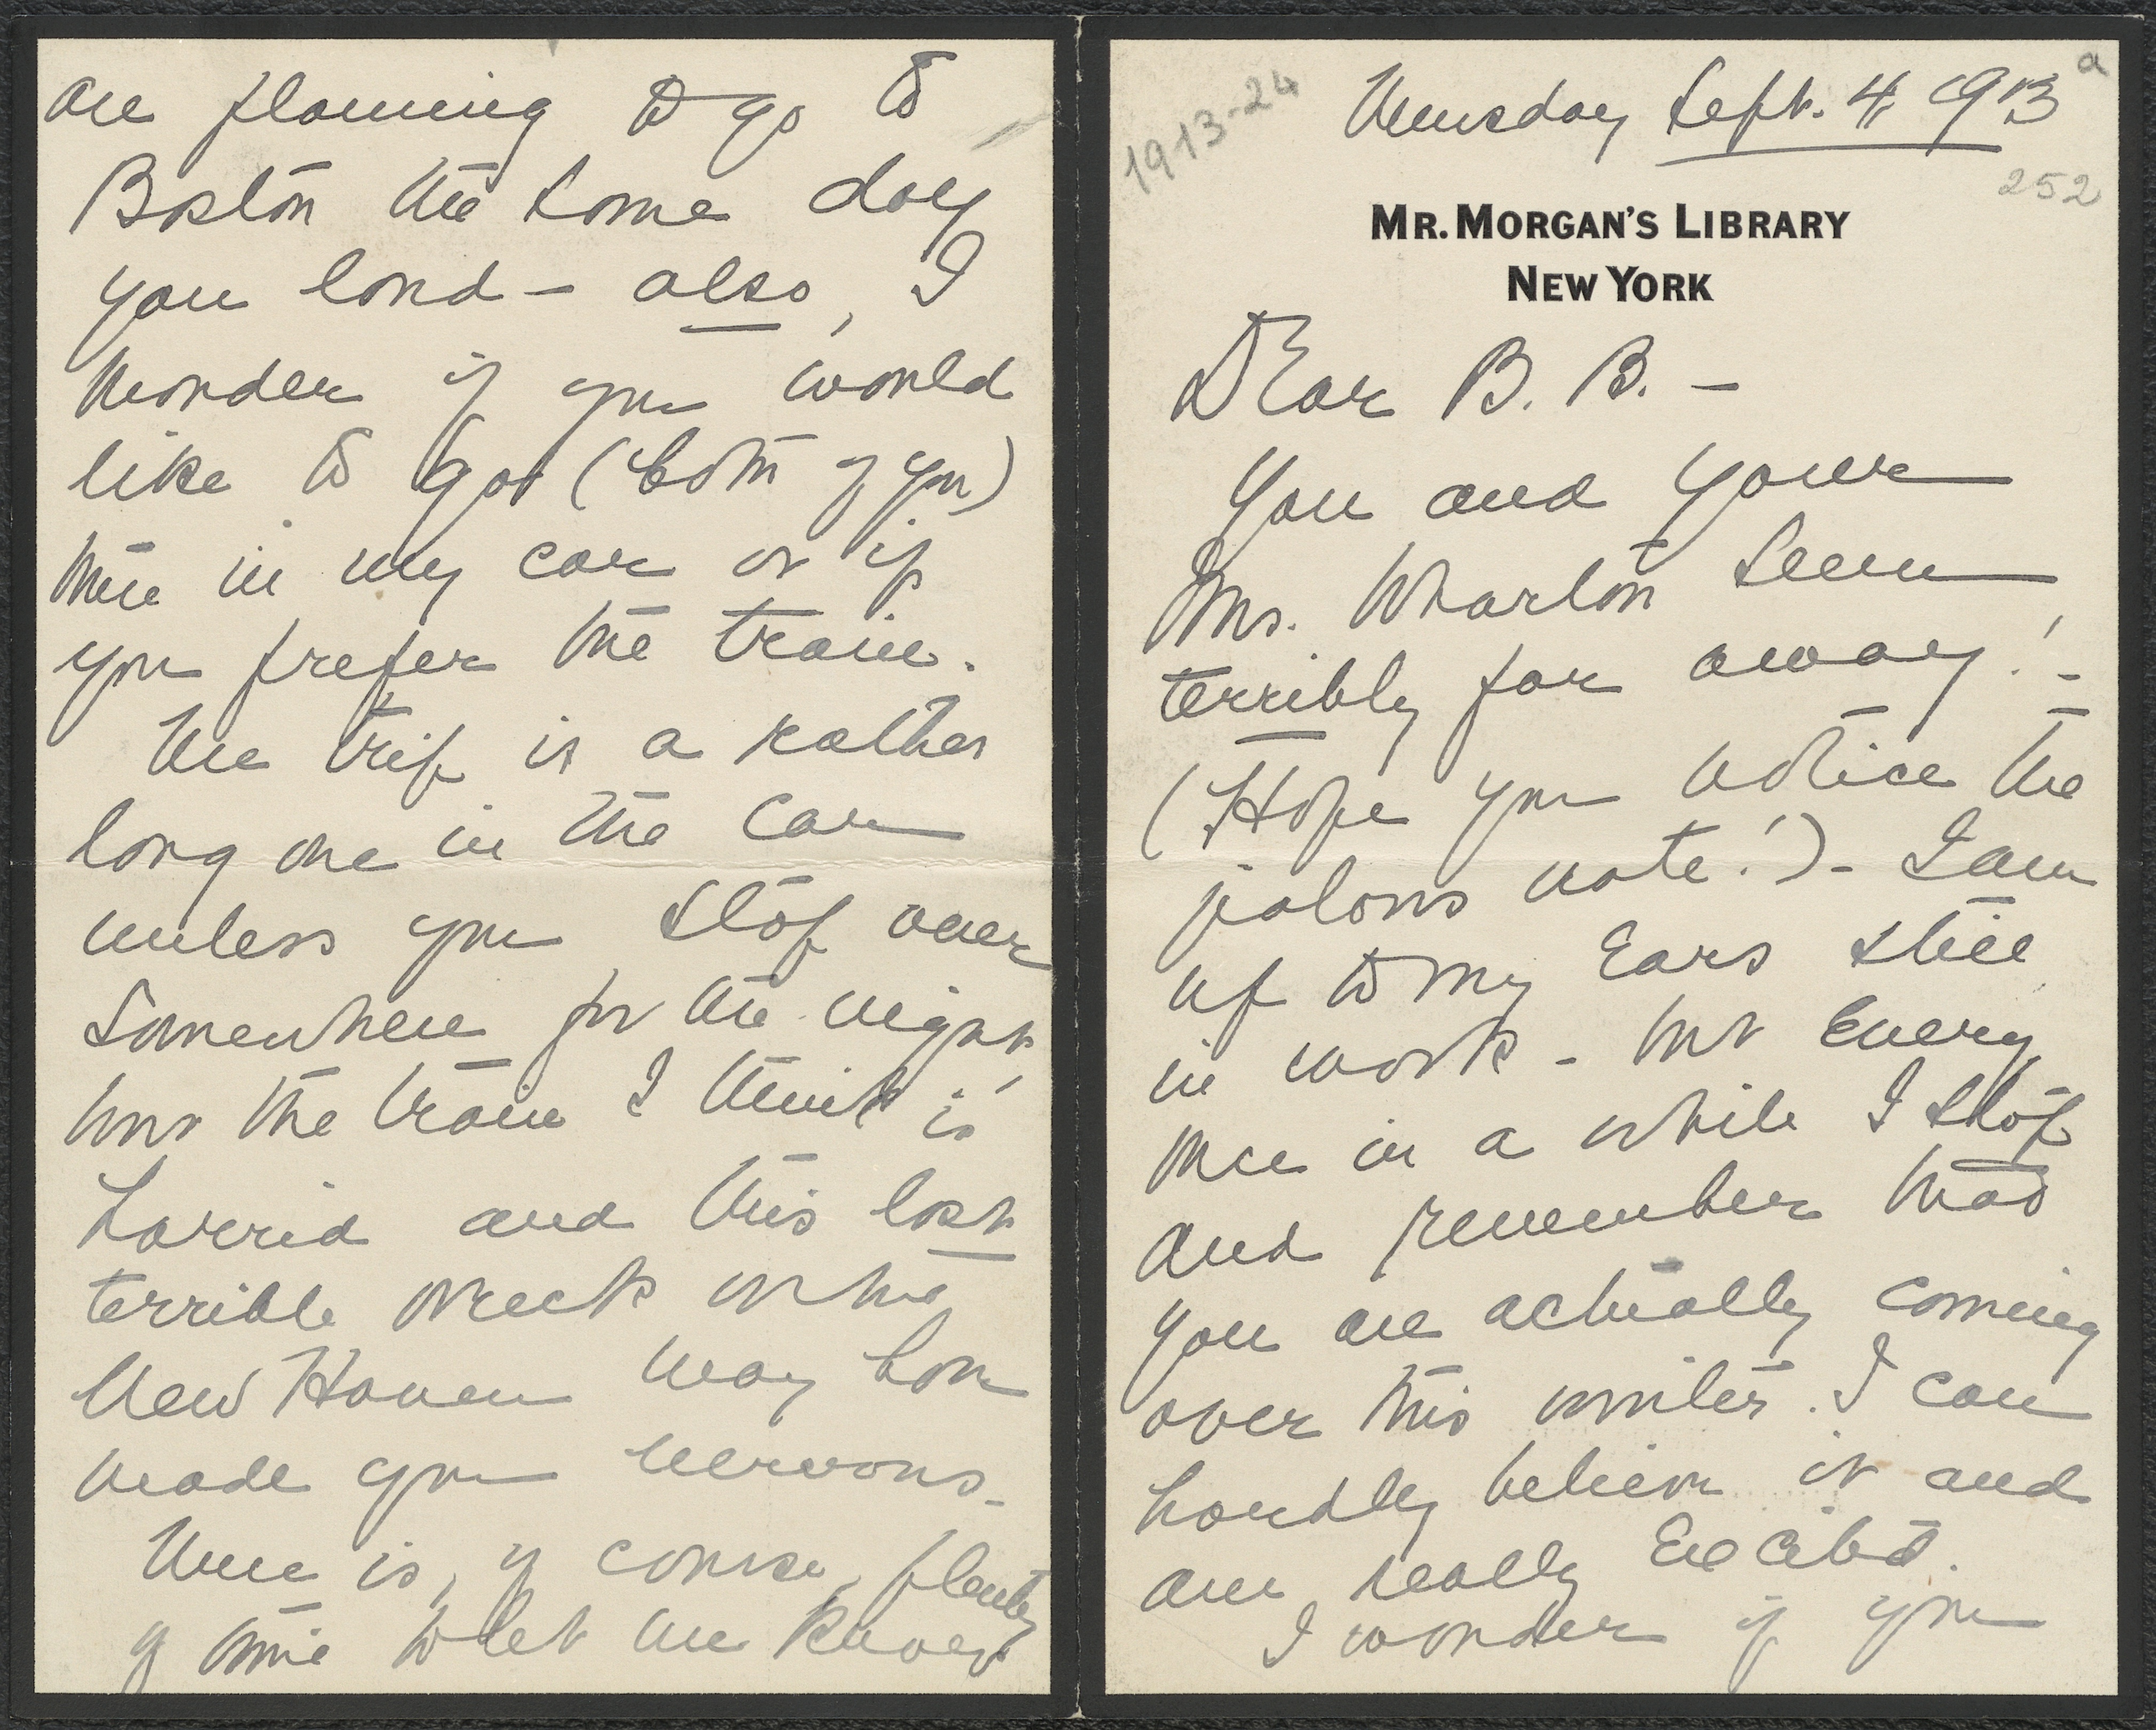Thursday Sept. 4, 1913
Dear B. B. –
You and your Mrs. Wharton seem terribly far away! – (Hope you notice the jealous note!) – I am up to my ears still in work – but every once in a while I stop and remember that you are actually coming over this winter. I can hardly believe it and am really excited.
I wonder if you
are planning to go to Boston the same day you land – also, I wonder if you would like to go (both of you) there in my car or if you prefer the train.
The trip is a rather long one in the car unless you stop over somewhere for the night, but the train I think is horrid and this last terrible wreck on the New Haven may have made you nervous –
There is, of course, plenty of time to let me know